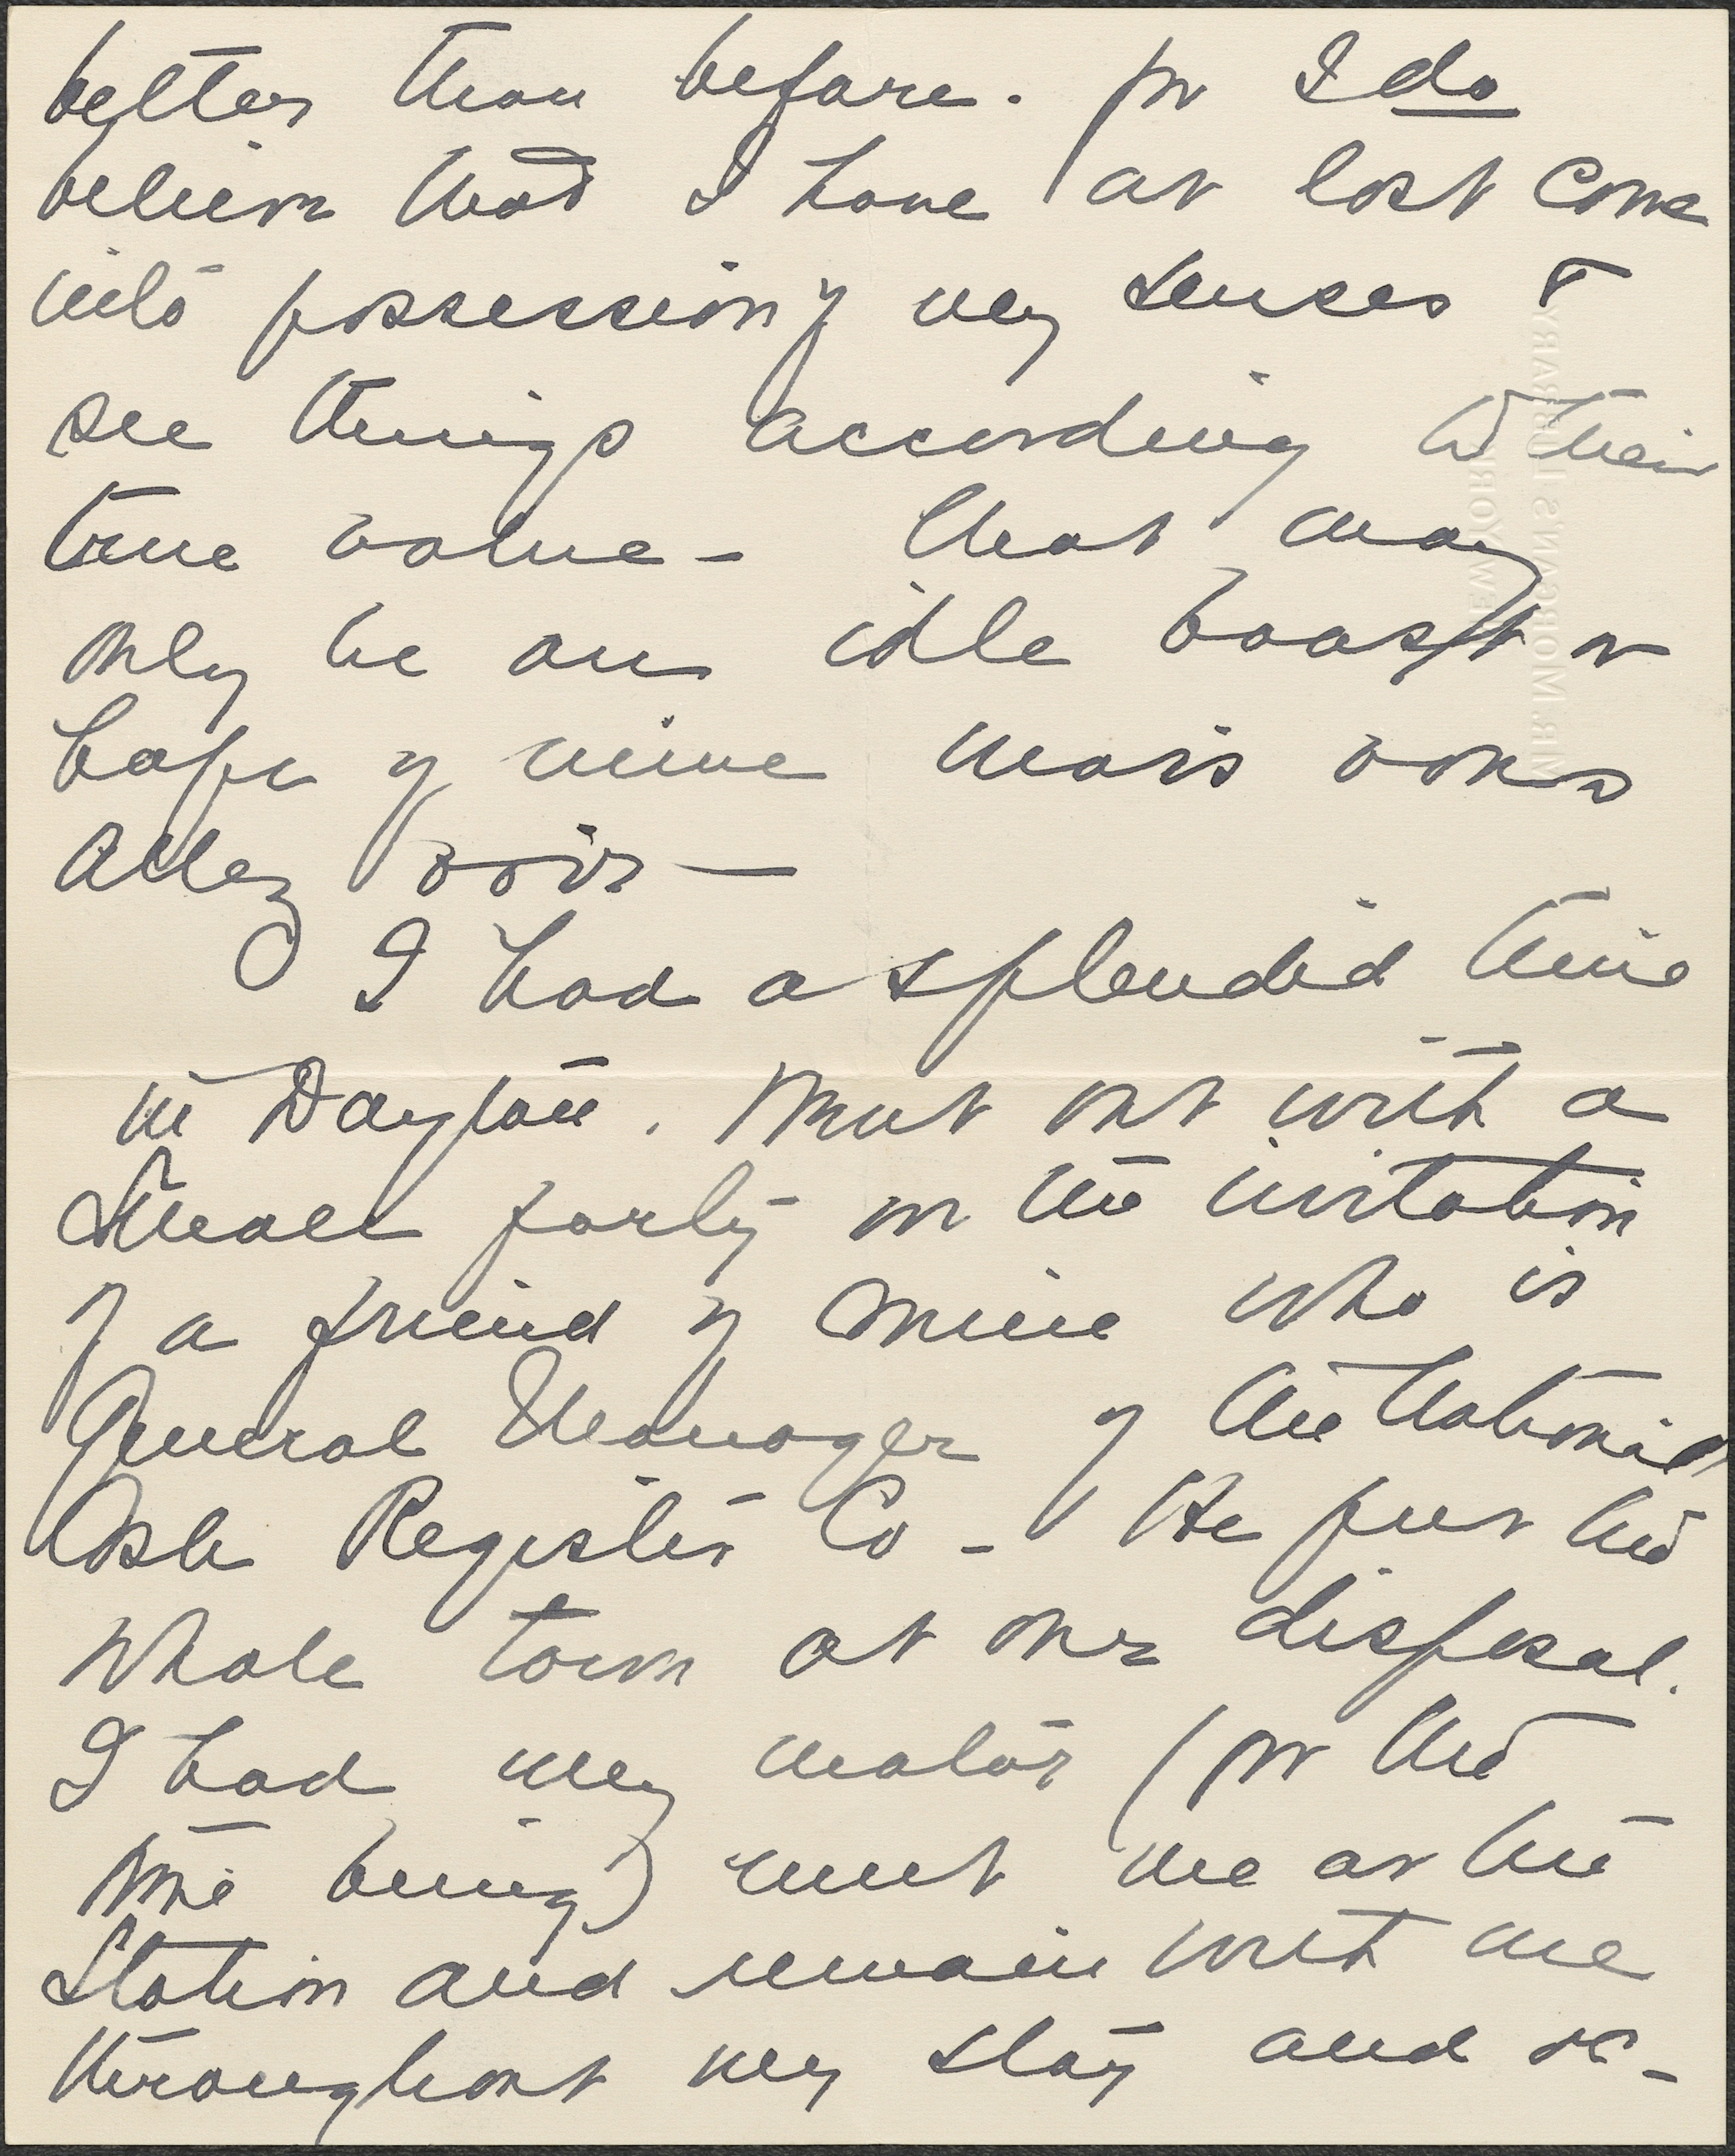better than before – for I do believe that I have at last come into possession of my senses & see things according to their true value – That may only be an idle boast or hope of mine mais vous allez voir –
I had a splendid time in Dayton. Went out with a small party on the invitation of a friend of mine who is General Manager of the National Cash Register Co – He put the whole town at our disposal. I had my motor (for the time being) meet me at the Station and remain with me throughout my stay and